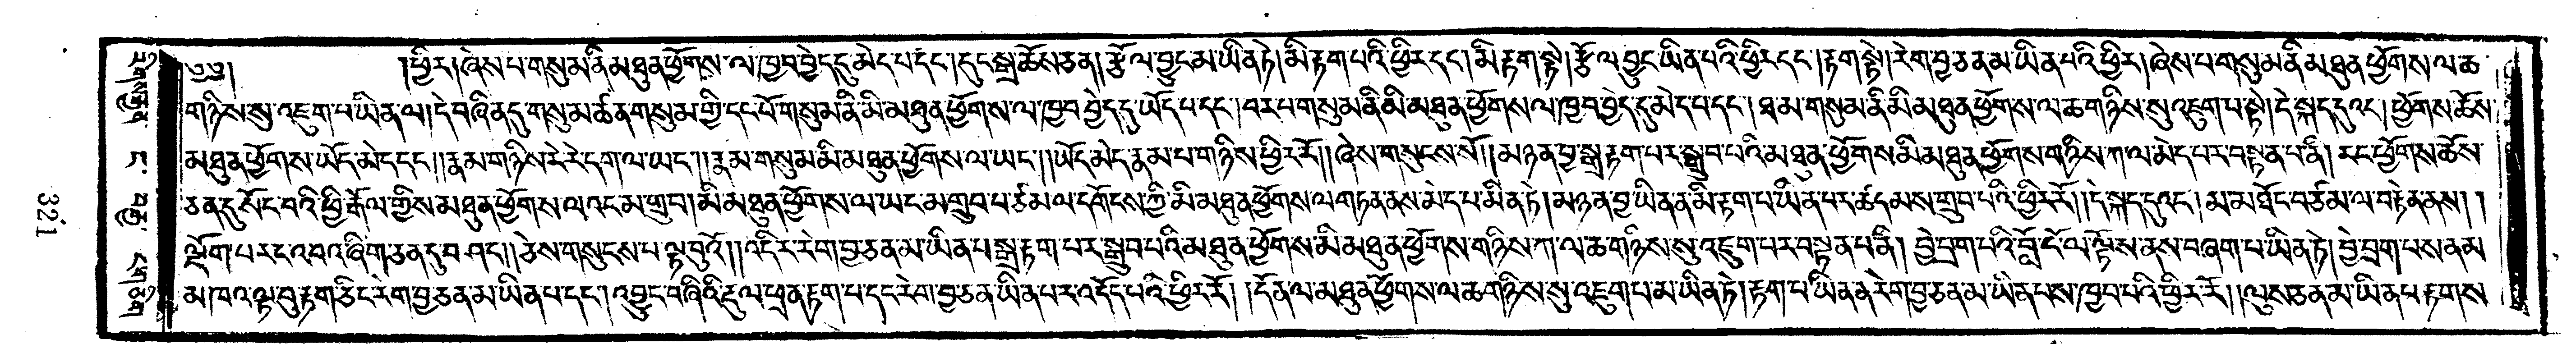༄༅། །ཕྱིར། ཞེས་པ་གསུམ་ནི་མཐུན་ཕྱོགས་ལ་ཁྱབ་བྱེད་དུ་མེད་པ་དང་། དུང་སྒྲ་ཆོས་ཅན། རྩོལ་བྱུང་མ་ཡིན་ཏེ། མི་རྟག་པའི་ཕྱིར་དང་། མི་རྟག་སྟེ། རྩོལ་བྱུང་ཡིན་པའི་ཕྱིར་དང་། རྟག་སྟེ། རེག་བྱ་ཅན་མ་ཡིན་པའི་ཕྱིར། ཞེས་པ་གསུམ་ནི་མཐུན་ཕྱོགས་ལ་ཆ་
གཉིས་སུ་འཇུག་པ་ཡིན་ལ། དེ་བཞིན་དུ་གསུམ་ཚན་གསུམ་གྱི་དང་པོ་གསུམ་ནི་མི་མཐུན་ཕྱོགས་ལ་ཁྱབ་བྱེད་དུ་ཡོད་པ་དང་། བར་པ་གསུམ་ནི་མི་མཐུན་ཕྱོགས་ལ་ཁྱབ་བྱེད་དུ་མེད་པ་དང་། ཐམ་གསུམ་ནི་མི་མཐུན་ཕྱོགས་ལ་ཆ་གཉིས་སུ་འཇུག་པ་སྟེ། དེ་སྐད་དུའང་། ཕྱོགས་ཆོས་
མཐུན་ཕྱོགས་ཡོད་མེད་དང་། །རྣམ་གཉིས་རེ་རེ་དག་ལ་ཡང་། །རྣམ་གསུམ་མི་མཐུན་ཕྱོགས་ལ་ཡང་། །ཡོད་མེད་རྣམ་པ་གཉིས་ཕྱིར་རོ། །ཞེས་གསུངས་སོ། །མཉན་བྱ་སྒྲ་རྟག་པར་སྒྲུབ་པའི་མཐུན་ཕྱོགས་མི་མཐུན་ཕྱོགས་གཉིས་ཀ་ལ་མེད་པར་བསྟན་པ་ནི། རང་ཕྱོགས་ཆོས་
ཅན་དུ་སོང་བའི་ཕྱི་རྒོལ་གྱིས་མཐུན་ཕྱོགས་ལའང་མ་གྲུབ། མི་མཐུན་ཕྱོགས་ལ་ཡང་མ་གྲུབ་པ་ཙམ་ལ་དགོངས་ཀྱི་མི་མཐུན་ཕྱོགས་ལ་གཏན་ནས་མེད་པ་མིན་ཏེ། མཉན་བྱ་ཡིན་ན་མི་རྟག་པ་ཡིན་པར་ཚད་མས་གྲུབ་པའི་ཕྱིར་རོ། །དེ་སྐད་དུའང་། མ་མཐོང་བ་ཙམ་ལ་བརྟེན་ནས། །
ལྡོག་པའང་འབའ་ཞིག་ཅན་དུ་བཤད། །ཅེས་གསུངས་པ་ལྟ་བུའོ། །འདིར་རེག་བྱ་ཅན་མ་ཡིན་པ་སྒྲ་རྟག་པར་སྒྲུབ་པའི་མཐུན་ཕྱོགས་མི་མཐུན་ཕྱོགས་གཉིས་ཀ་ལ་ཆ་གཉིས་སུ་འཇུག་པར་བསྟན་པ་ནི། བྱེ་བྲག་པའི་བློ་ངོ་ལ་ལྟོས་ནས་བཞག་པ་ཡིན་ཏེ། བྱེ་བྲག་པས་ནམ་
མཁའ་ལྟ་བུ་རྟག་ཅིང་རེག་བྱ་ཅན་མ་ཡིན་པ་དང་། འབྱུང་བཞིའི་རྡུལ་ཕྲན་རྟག་པ་དང་རེག་བྱ་ཅན་ཡིན་པར་འདོད་པའི་ཕྱིར་རོ། །དོན་ལ་མཐུན་ཕྱོགས་ལ་ཆ་གཉིས་སུ་འཇུག་པ་མ་ཡིན་ཏེ། རྟག་པ་ཡིན་ན་རེག་བྱ་ཅན་མ་ཡིན་པས་ཁྱབ་པའི་ཕྱིར་རོ། །ལུས་ཅན་མ་ཡིན་པ་རྟགས་